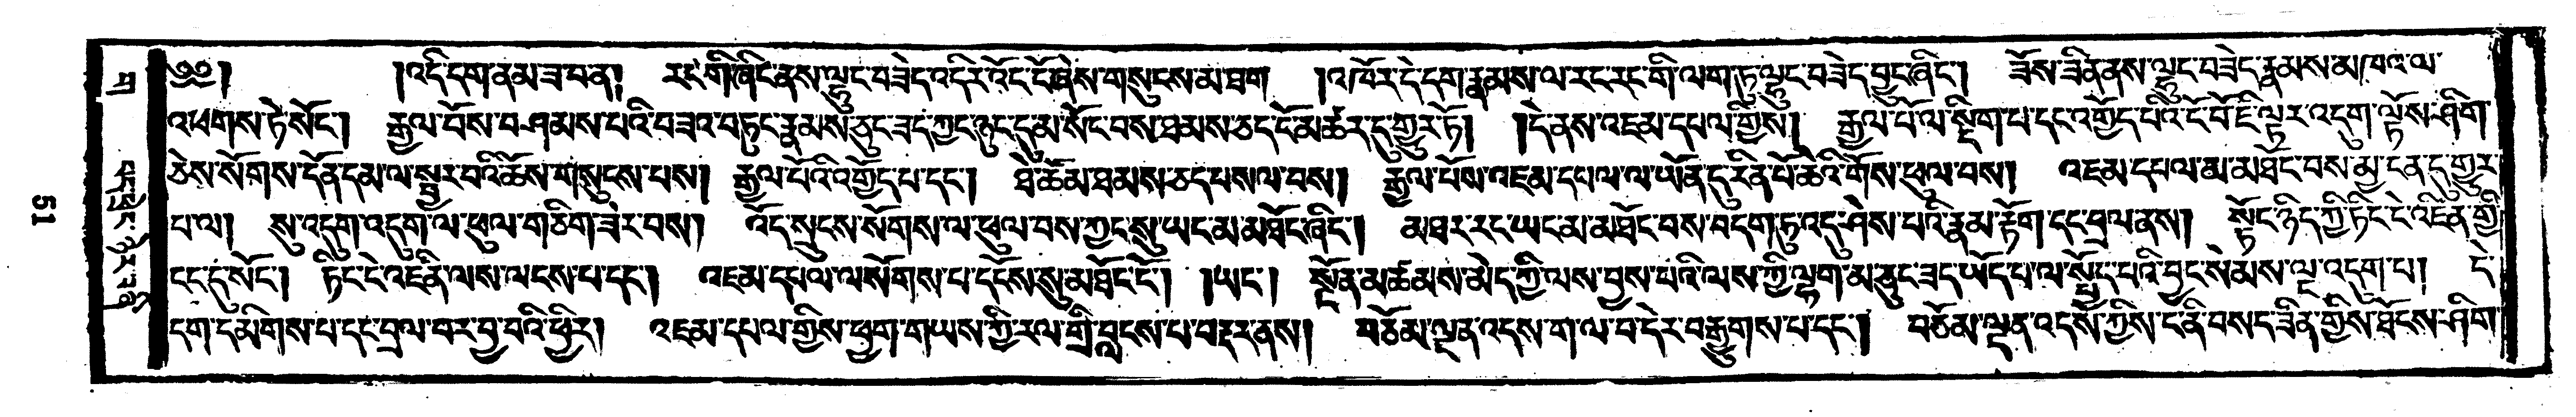༄༅། །འདི་དག་ནམ་ཟ་བ་ན། རང་གི་ཞིང་ནས་ལྷུང་བཟེད་འདིར་འོང་ངོ་ཞེས་གསུངས་མ་ཐག །འཁོར་དེ་དག་རྣམས་ལ་རང་རང་གི་ལག་ཏུ་ལྷུང་བཟེད་བྱུང་ཞིང་། ཟོས་ཟིན་ནས་ལྷུང་བཟེད་རྣམས་མཁའ་ལ་
འཕགས་ཏེ་སོང་། རྒྱལ་པོས་བཤམས་པའི་བཟའ་བཏུང་རྣམས་ཅུང་ཟད་ཀྱང་ཉུང་དུ་མ་སོང་བས་ཐམས་ཅད་ངོ་མཚར་དུ་གྱུར་ཏོ། །དེ་ནས་འཇམ་དཔལ་གྱིས། རྒྱལ་པོ་ལ་སྡིག་པ་དང་འགྱོད་པའི་ངོ་བོ་ཇི་ལྟར་འདུག་ལྟོས་ཤིག་
ཅེས་སོགས་དོན་དམ་ལ་སྦྱར་བའི་ཆོས་གསུངས་པས། རྒྱལ་པོའི་འགྱོད་པ་དང་། ཐེ་ཚོམ་ཐམས་ཅད་བསལ་བས། རྒྱལ་པོས་འཇམ་དཔལ་ལ་ཡོན་དུ་རིན་པོ་ཆེའི་གོས་ཕུལ་བས། འཇམ་དཔལ་མ་མཐོང་བས་མྱ་ངན་དུ་གྱུར་
པ་ལ། སུ་འདུག་འདུག་ལ་ཕུལ་གཅིག་ཟེར་བས། འོད་སྲུངས་སོགས་ལ་ཕུལ་བས་ཀྱང་སུ་ཡང་མ་མཐོང་ཞིང་། མཐར་རང་ཡང་མ་མཐོང་བས་བདག་ཏུ་འདུ་ཤེས་པའི་རྣམ་རྟོག་དང་བྲལ་ནས། སྟོང་ཉིད་ཀྱི་ཏིང་ངེ་འཛིན་གྱི་
ངང་དུ་སོང་། ཏིང་ངེ་འཛིན་ལས་ལངས་པ་དང་། འཇམ་དཔལ་ལ་སོགས་པ་དངོས་སུ་མཐོང་ངོ། །ཡང་། སྔོན་མཚམས་མེད་ཀྱི་ལས་བྱས་པའི་ལས་ཀྱི་ལྷག་མ་ཅུང་ཟད་ཡོད་པ་ལ་སྤྱོད་པའི་བྱང་སེམས་ལྔ་འདུག་པ། དེ་
དག་དམིགས་པ་དང་བྲལ་བར་བྱ་བའི་ཕྱིར། འཇམ་དཔལ་གྱིས་ཕྱག་གཡས་ཀྱི་རལ་གྲི་བླངས་པ་བརྡར་ནས། བཅོམ་ལྡན་འདས་ག་ལ་བ་དེར་བརྒྱུགས་པ་དང་། བཅོམ་ལྡན་འདས་ཀྱིས་ང་ནི་བསད་ཟིན་གྱིས་ཐོངས་ཤིག་